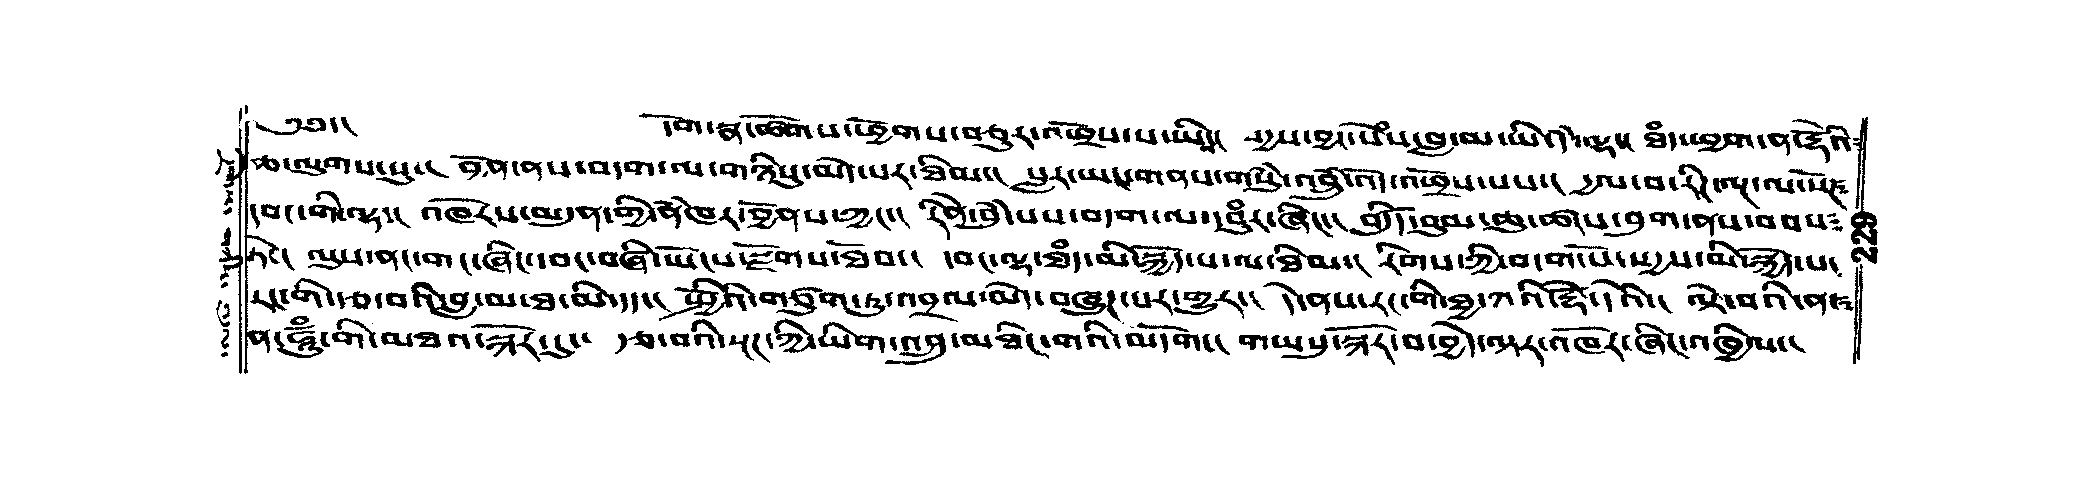དོག་སྣ་ཚོགས་ཕྱོགས་བཅུར་འཕྲོས་པ་ཡིས། །སངས་རྒྱས་བྱང་སེམས་བླ་མ་ཡི་དམ་ལྷ། །ཐམས་ཅད་ཕྱག་ན་རྡོ་རྗེའི་
ཆ་ལུགས་སུ། །བྱོན་ནས་བདག་ལ་གཉིས་སུ་མེད་པར་ཐིམ། །སླར་ཡང་གནས་གསུམ་འབྲུ་གསུམ་འོད་འཕྲོས་པས། །རྒྱལ་བ་རིགས་ལྔ་ལ་སོགས་
དབང་གི་ལྷ། །འཁོར་འདས་མདུན་གྱི་ནམ་མཁར་བྱོན་ནས་ཀྱང་། །རིན་ཆེན་བུམ་པས་བདག་ལ་དབང་བསྐུར་ཞིང་། །བདུད་རྩི་བུམ་ཆུ་ཚངས་བུག་ནས་བབས་
ཏེ། །ལུས་ནང་གང་ཞིང་དབང་བཞི་ཡོངས་རྫོགས་ཐོབ། །དབང་ལྷ་ཐམས་ཅད་མི་སྐྱོད་པ་ལ་ཐིམ། །རིགས་ཀྱི་བདག་པོལསངས་རྒྱས་མི་སྐྱོད་པ།།
རང་གི་རྩ་བའི་བླ་མ་ཐ་མི་དད། །སྤྱི་བོའི་གཙུག་ཏུ་འབྲལ་མེད་བཞུགས་པར་གྱུར། །དེ་ནས་རང་གི་ཐུགས་ཀའི་རྡོ་རྗེ་དེའི། །ལྟེ་བའི་ནང་
ན་ཧཱུྃ་གི་མཐའ་སྐོར་དུ། །རྩ་བའི་སྔགས་ཀྱི་ཡིག་འབྲུ་མཐིང་གའི་མདོག་གཡས་སུ་སྐོར་བ་བྱེད་ལྟར་འཁོར་ཞིང་འཁྱིལ། །